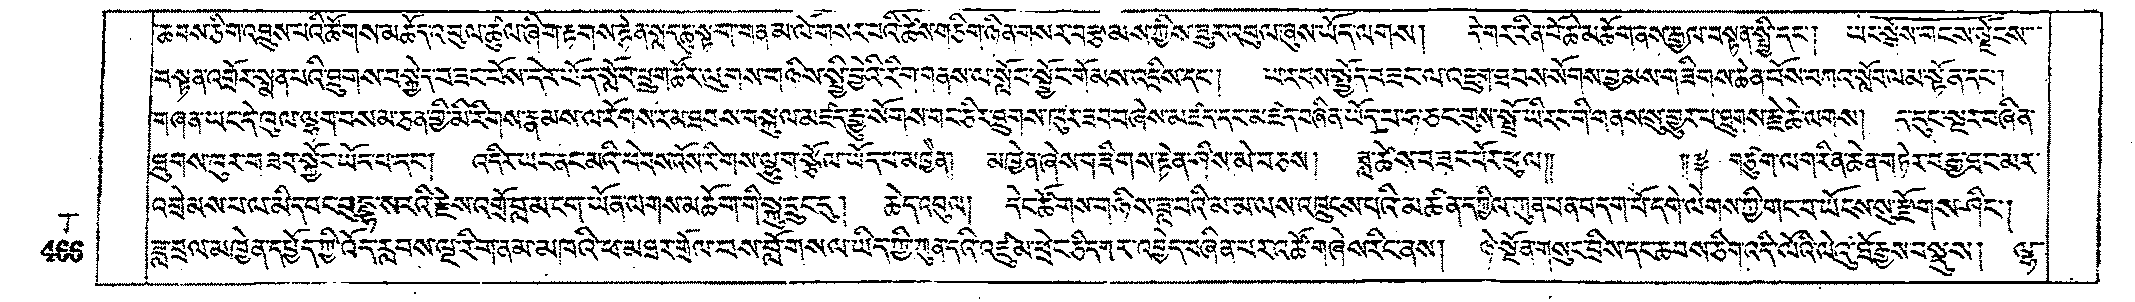ཆབས་ཅིག་འཐུས་པའི་ཚོགས་མཆོད་འབུལ་ཚུལ་ཞིག་རྟགས་རྟེན་སླད་ཆུ་སྟག་གནམ་ལོ་གསར་པའི་ཚེས་གཅིག་ཉིན་གསར་བརྩམས་ཀྱིས་ཟུར་འབུལ་ཞུས་ཡོད་ལགས། དེ་གར་རིན་པོ་ཆེ་མཆོག་ནས་རྒྱལ་བསྟན་སྤྱི་དང་། ཡང་སོགས་གངས་ལྗོངྶ་་་
བསྟན་འགྲོར་སྨན་པའི་ཐུགས་བསྐྱེད་བཟང་པོས་དེར་ཡོད་སློབ་ཕྲུག་ཚོར་ལུགས་གཉིས་སྤྱི་བྱེའི་རིག་གནས་ལ་སློབ་སྦྱོང་གོམས་འདྲིས་དང་། ཡ་རབས་སྤྱོད་བཟང་ལ་འཇུག་ཐབས་སོགས་བྱམས་གཟིགས་ཆེན་པོས་བཀའ་སློབ་ལམ་སྟོན་དང་།
གཞན་ཡང་དེ་ཁུལ་ལྷག་བསམ་ཅན་གྱི་མི་རིགས་རྣམས་ལ་རོགས་རམ་ཐབས་བསྐུལ་མཛད་རྒྱུ་སོགས་གང་ཅིར་ཐུགས་ཁུར་ཟབ་བཞེས་མཛད་དང་མཛད་བཞིན་ཡོད་པ་ཧ་ཅང་གུས་སྤྲོ་ཡི་རང་གི་གནས་སུ་གྱུར་པ་ཐུགས་རྗེ་ཆེ་ལགས། ད་དུང་སྔར་བཞིན་
ཐུགས་ཁུར་གཟབ་སྐོང་ཡོད་པ་དང་། འདིར་ཡང་ནང་མའི་ཕེབས་འོས་རིགས་ལྷུག་སྩོལ་ཡོད་པ་མཁྱཻན། མཁྱེན་ཞེས་གཟིགས་རྟེན་ཤིས་མེ་བཅས། ཟླ་ཚེས་བཟང་པོར་ཕུལ།། །།འ་གཙུག་ལག་རིན་ཆེན་གཏེར་བརྒྱ་ཐང་མར་
འགྲེམས་པ་ལ་མི་དབང་བུདྡྷ་ས་རའི་རྗེས་འགྲོ་བླ་མ་ངག་ཡོན་ལགས་མཆོག་གི་སྐུ་དྲུང་དུ། ཆེད་འབུལ། དེང་ཚོགས་གཉིས་ཟླ་བའི་མ་མ་ལས་འཁྲུངས་པའི་མཚན་དཀྱིལ་ཀུན་ཕན་བདག་པོ་དགེ་ལེགས་ཀྱི་གང་བ་ཡོངས་སུ་རྫོགས་ཤིང་།
ཟླ་བྲལ་མཁྱེན་དཔྱོད་ཀྱི་འོད་རླབས་ལྔ་རིག་ནམ་མཁའི་ཕ་མཐར་གྲོལ་བས་བློ་གསལ་ཡིད་ཀྱི་ཀུན་དའི་འཛུམ་ཕྲེང་ཅི་དགར་འབྱེད་བཞིན་པར་འཚོ་གཞེས་རིང་ནས། ཉེ་སྔོན་གསུང་བྲིས་དང་ཆབས་ཅིག་འདི་ལོའི་ལེའུ་ཐོ་རྒྱས་བསྡུས། ལྷ་་་